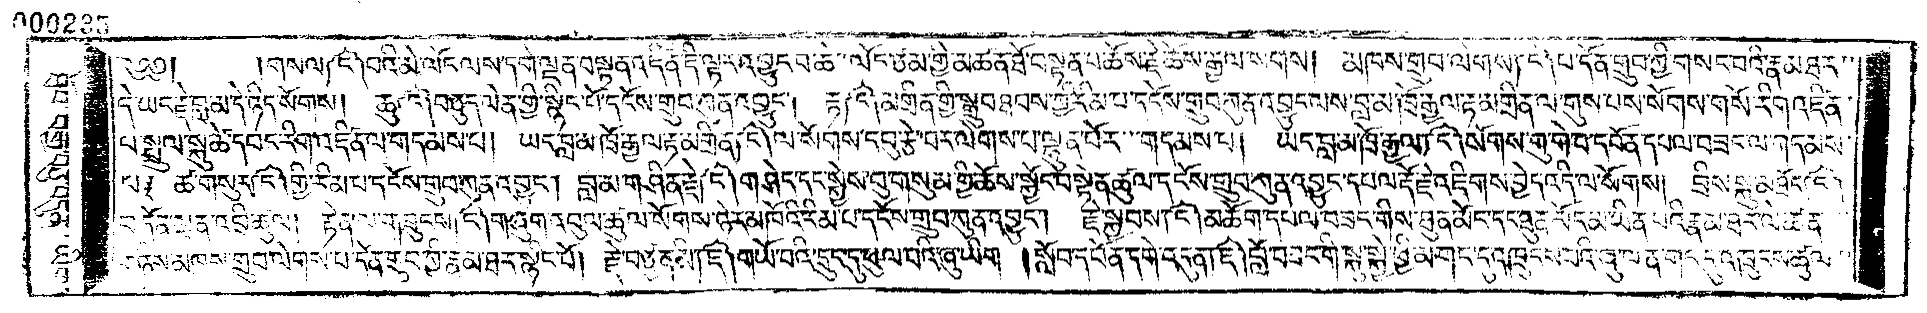༄༅། །གསལ ༼ང༽ བའི་མེ་ལོང་ལས་དགེ་ལྡན་བསྟན་འཛིན་ཇི་ལྟར་འབྱུང་བ་ཆེ་ལོང་ཙམ་གྱི་མཚན་ཐོ་བསྟན་པ་ཆོས་རྗེ་ཆོས་རྒྱལ་སོགས། མཁས་གྲུབ་ལེགས ༼ང༽ པ་དོན་གྲུབ་ཀྱི་གསང་བའི་རྣམ་ཐར་
དེ་ཡང་རྗེ་བླ་མ་དེ་ཉིད་སོགས། ཆུ ༼ང༽ བཅུད་ལེན་གྱི་སྙིང་པོ་དངོས་གྲུབ་ཀུན་འབྱུང་། རྟ ༼ང༽ མགྲིན་གྱི་སྒྲུབ་ཐབས་ཀྱི་རིམ་པ་དངོས་གྲུབ་ཀུན་འབྱུང་ལས་བླ་མ་ཁྲོ་རྒྱལ་རྟ་མགྲིན་ལ་གུས་པས་སོགས་གསོ་རིག་འཛིན་
པ་སྤྲུལ་སྐུ་ཚེ་དབང་རིག་འཛིན་ལ་གདམས་པ། ཡང་བླ་མ་ཁྲོ་རྒྱལ་རྟ་མགྲིན ༼ང༽ ལ་སོགས་དབུ་རྩེ་བར་ལེགས་པ་ལྷུན་པོར་གདམས་པ། ཡང་བླ་མ་ཁྲོ་རྒྱལ ༼ང༽ སོགས་གུ་གེ་བ་དབོན་དཔལ་བཟང་ལ་གདམས་
པ༑ ཚ་གསུར ༼ང༽ གྱི་རིམ་པ་དངོས་གྲུབ་ཀུན་འབྱུང་། བླ་མ་གཤིན་རྗེ ༼ང༽ གཤེད་དང་སྐྱེས་བུ་གསུམ་གྱི་ཆོས་སྐྱོང་བསྟེན་ཚུལ་དངོས་གྲུབ་ཀུན་འབྱུང་དཔལ་རྡོ་རྗེ་འཇིགས་བྱེད་འདི་ལ་སོགས། བྲིས་སྐུ་མཐོང ༼ང༽
བ་དོན་ལྡན་འབྲི་ཚུལ། རྟེན་ལ་གཟུངས ༼ང༽ གཞུག་འབུལ་ཚུལ་སོགས་ཉེར་མཁོའི་རིམ་པ་དངོས་གྲུབ་ཀུན་འབྱུང་། རྗེ་སྐྱབས ༼ང༽ མཆོག་དཔལ་བཟང་གིས་ཐུན་མོང་དང་ཐུན་མོང་མ་ཡིན་པའི་རྣམ་ཐར་ལེ་ཚན་
གཉིས་མཁས་གྲུབ་ལེགས་པ་དོན་གྲུབ་ཀྱི་རྣམ་ཐར་སྙིང་པོ། རྗེ་བཙུན་མི ༼ཇ༽ གཡོ་བའི་དྲུང་དུ་ཕུལ་བའི་ཞུ་ཡིག །སློབ་དཔོན་དགེ་འདུན ༼ཇ༽ བློ་བཟང་གི་སྐུ་སྐྱེ་ཕྱི་མ་གང་དུ་འཁྲུངས་པའི་ཞུ་ལན་གང་དུ་འཁྲུངས་ཚུལ་